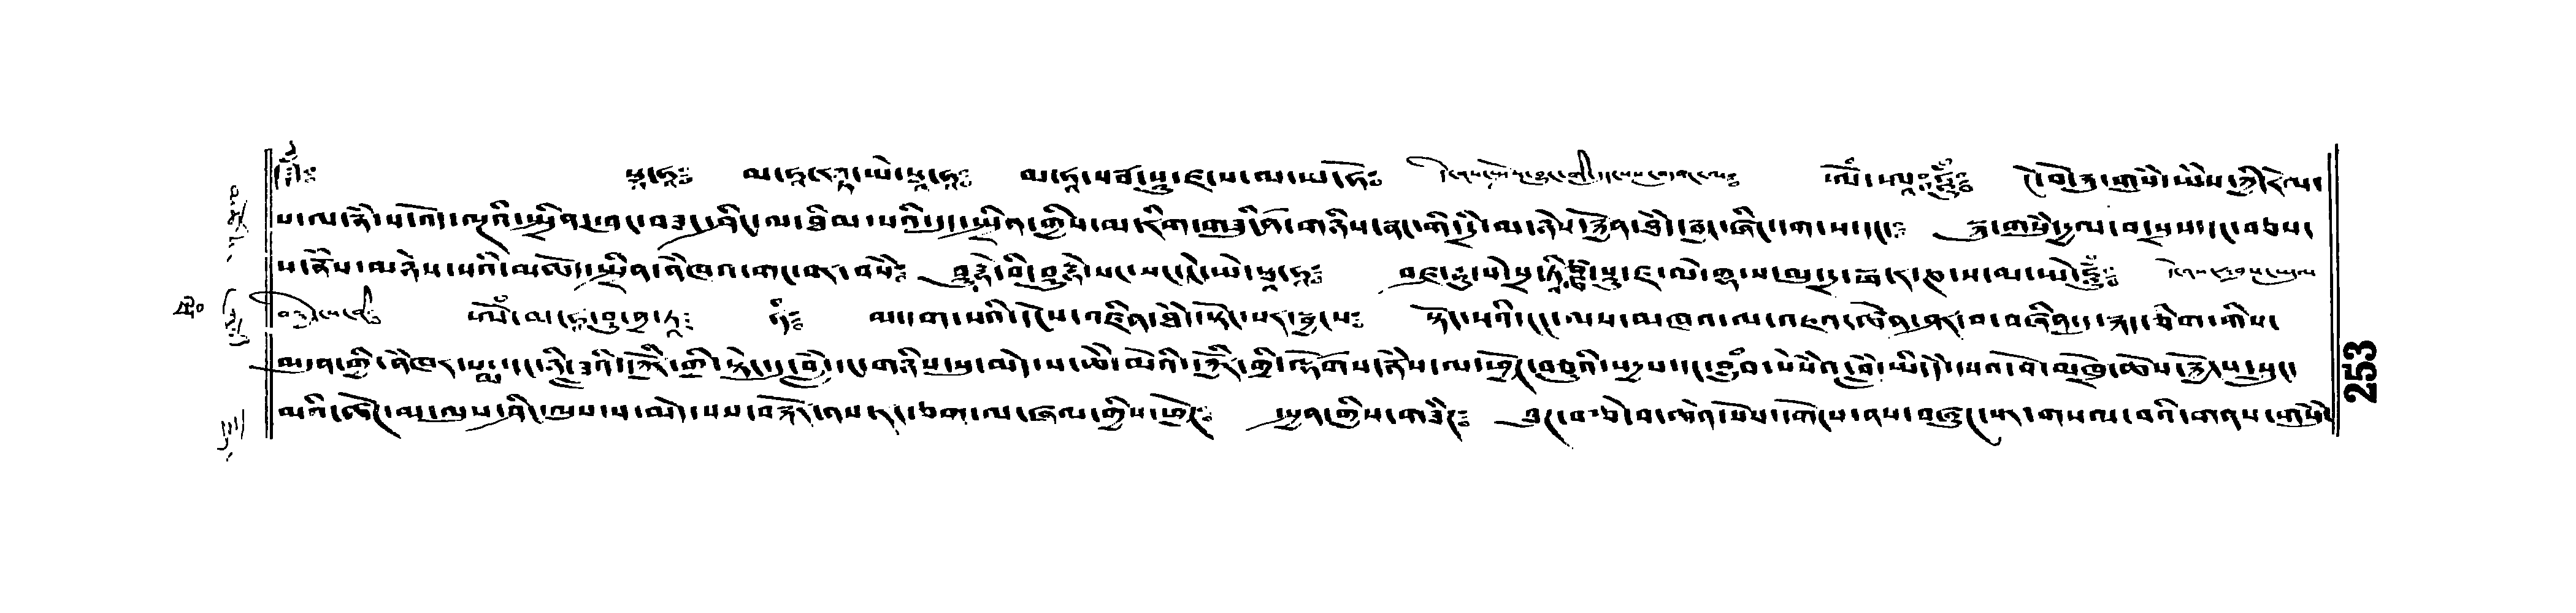སྭཱ་ཧཱ༔ མ་ཧཱ་རཀྟ་ཡེ་སྭཱ་ཧཱ༔ མ་ཧཱ་སརྦ་པཱུ་ཛ་ས་མ་ཡ་ཧོཿ དེ་ནས་སྤོས་བྱུང་གི་དུད་པས་བདུག་སལ༔ ཨོཾ་ཨཱཿཧཱུྃ༔ ངོ་བོ་སྐུ་གསུམ་ཡེ་ཤེས་ཀྱི་རོལ་
པ་ལ་རྣམ་པ་འོད་ལྔའི་སྤྲིན་ཕུང་བཟང་ཤིང་ལ་ཐིམ་པའི་དུད་སྤྲིན་གྱིས་མ་རིག་གཟུང་འཛིན་གཉིས་སྣང་གི་དྲི་མ་ཉེས་སྐྱོན་ཐམས་ཅད་སྦྱང་ཞིང་དག་པ་དང༔ སྐུ་གསུམ་རྒྱལ་བ་སྲས་དང་བཅས་
པ་རྣམས་མཉེས་པའི་མཆོད་སྤྲིན་ནམ་མཁའ་གང་བར་བསམ༔ ཤུདྡྷེ་བི་ཤུདྡྷེ་སང་སང་ངེ་ཡེ་སྭཱ་ཧཱ༔ བཛྲ་དྷུ་པེ་པྲ་ཏཱིཙྪ་པཱུ་ཛ་མེ་གྷ་ས་མུ་དྲ་སྥ་ར་ཎ་ས་མ་ཡེ་ཧཱུྃ༔ དེ་ནས་སྐྱབས་ཡུལ་
བསྐྱེད་པ་ནི༔ ཨོཾ་མ་ཧཱ་ཤུ་ནྱ་ཏཱ༴ ཧཾཿ མ་དག་པའི་དངོས་འཛིན་ཐམས་ཅད་སྟོང་པར་སྦྱངས༔ སྟོང་པའི་ངང་ལས་མཁའ་ལ་འཇའ་ཚོན་ཤར་བ་བཞིན་དུ་སྐད་ཅིག་གིས་
མདུན་གྱི་ནམ་མཁར་པདྨ་དང་ཉི་ཟླའི་དཀྱིལ་འཁོར་གྱི་སྟེང་དུ་བླ་མ་དང་གཉིས་སུ་མེད་པ་ཆམ་མེའི་དཀྱིལ་འཁོར་གྱི་ལྷ་ཚོགས་རྣམས་ལ་ཕྱོགས་བཅུའི་སངས་རྒྱས་དང་བྱང་ཆུབ་སེམས་དཔའ་བླ་མ་ཡི་དམ་དཔའ་བོ་མཁའ་འགྲོ་ཆོས་སྐྱོང་སྲུང་
མའི་ཚོགས་མ་ལུས་ཤིང་ལུས་པ་མེད་པས་བསྐོར་ནས་རང་ཅག་ལ་ཞལ་གྱིས་ཕྱོགས༔ སྤྱན་གྱིས་གཟིགས༔ ཐུགས་བརྩེ་བ་ཆེན་པོས་དགོངས་ནས་བཞུགས་པར་གསལ་བའི་གནས་གསུམ་